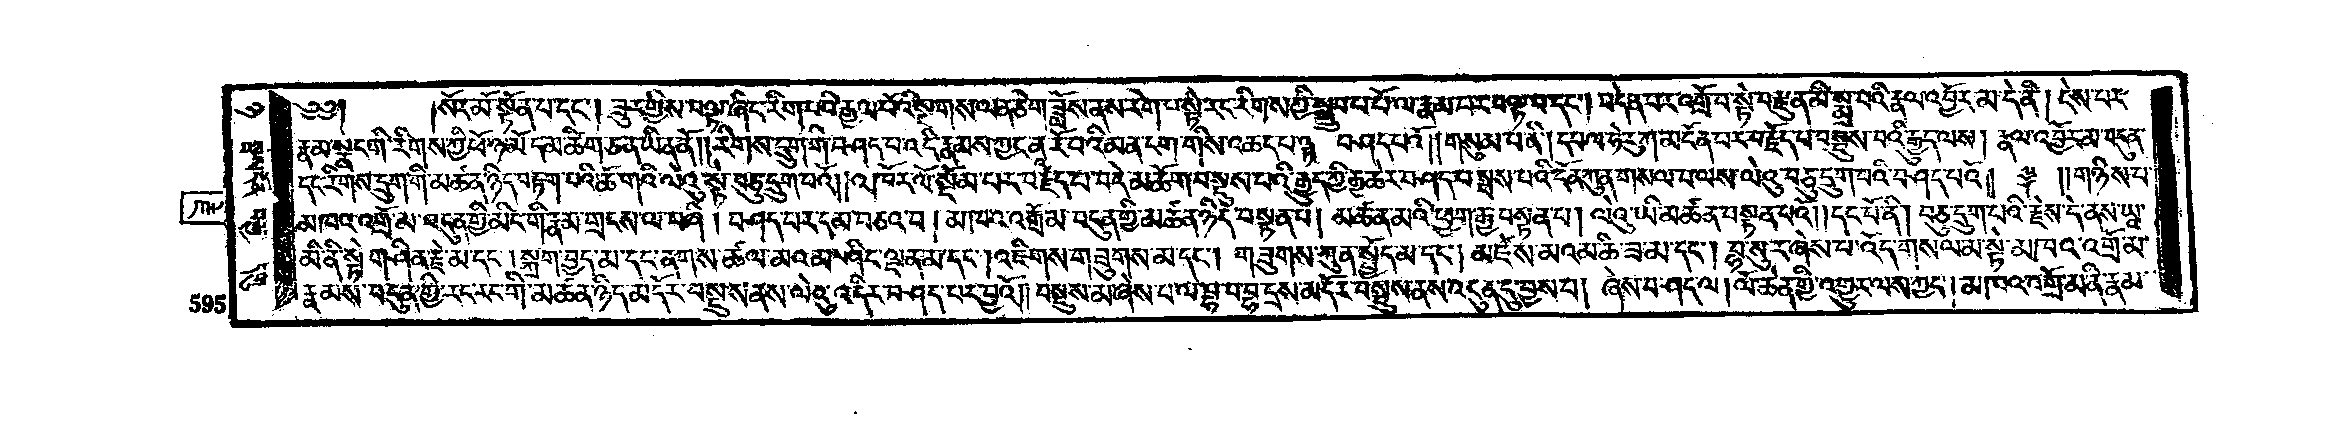༄༅། །སོར་མོ་སྟོན་པ་དང་། ཟུར་གྱིས་བལྟ་ཞིང་རིག་པའི་རྒྱལ་པོའི་སྔགས་ལན་ཅིག་ཟློས་ནས་རིག་པ་སྟེ་རང་རིགས་ཀྱི་སྒྲུབ་པ་པོ་ལ་རྣམ་པར་བལྟ་བ་དང་། བདེན་པར་འགྲོ་བ་སྟེ་བརྫུན་མི་སྨྲ་བའི་རྣལ་འབྱོར་མ་དེ་ནི། ངེས་པར་
རྣམ་སྣང་གི་རིགས་ཀྱི་ཕོ་ཉ་མོ་དམ་ཚིག་ཅན་ཡིན་ནོ། །རིགས་དྲུག་གི་བཤད་པ་འདི་རྣམས་ཀྱང་ནཱ་རོ་པའི་མན་ངག་གིས་འཆད་པ་ལྟར་བཤད་པའོ། །གསུམ་པ་ནི། དཔལ་ཧེ་རུ་ཀ་མངོན་པར་བརྗོད་པ་བསྡུས་པའི་རྒྱུད་ལས། རྣལ་འབྱོར་མ་བདུན་
དང་རིགས་དྲུག་གི་མཚན་ཉིད་བརྟག་པའི་ཆོ་གའི་ལེའུ་སྟེ་བཅུ་དྲུག་པའོ། །འཁོར་ལོ་སྡོམ་པར་བརྗོད་པ་བདེ་མཆོག་བསྡུས་པའི་རྒྱུད་ཀྱི་རྒྱ་ཆེར་བཤད་པ་སྦས་པའི་དོན་ཀུན་གསལ་བ་ལས་ལེའུ་བཅུ་དྲུག་པའི་བཤད་པའོ།། ༈ །།གཉིས་པ་
མཁའ་འགྲོ་མ་བདུན་གྱི་མིང་གི་རྣམ་གྲངས་ལ་བཞི། བཤད་པར་དམ་བཅའ་བ། མཁའ་འགྲོ་མ་བདུན་གྱི་མཚན་ཉིད་བསྟན་པ། མཚན་མའི་ཕྱག་རྒྱ་བསྟན་པ། ལེའུ་ཡི་མཚན་བསྟན་པའོ། །དང་པོ་ནི། བཅུ་དྲུག་པའི་རྗེས་དེ་ནས་ཡཱ་
མི་ནི་སྟེ་གཤིན་རྗེ་མ་དང་། སྐྲག་བྱེད་མ་དང་ནགས་ཚལ་མའམ་ཤིང་ལྡན་མ་དང་། འཇིགས་གཟུགས་མ་དང་། གཟུགས་ཀུན་སྤྱོད་མ་དང་། མཛེས་མའམ་ཚེ་ཟ་མ་དང་། བྷ་སུ་ར་ཞེས་པ་འོད་གསལ་མ་སྟེ་མཁའ་འགྲོ་མ་
རྣམས་བདུན་གྱི་རང་རང་གི་མཚན་ཉིད་མདོར་བསྡུས་ནས་ལེའུ་འདིར་བཤད་པར་བྱའོ། །བསྡུས་མ་ཞེས་པ་ལ་བྷ་བ་བྷ་དྲས་མདོར་བསྡུས་ནས་བདུན་དུ་བྱས་པ། ཞེས་བཤད་ལ། ལོ་ཆེན་གྱི་འགྱུར་ལས་ཀྱང་། མཁའ་འགྲོ་མ་ནི་རྣམ་